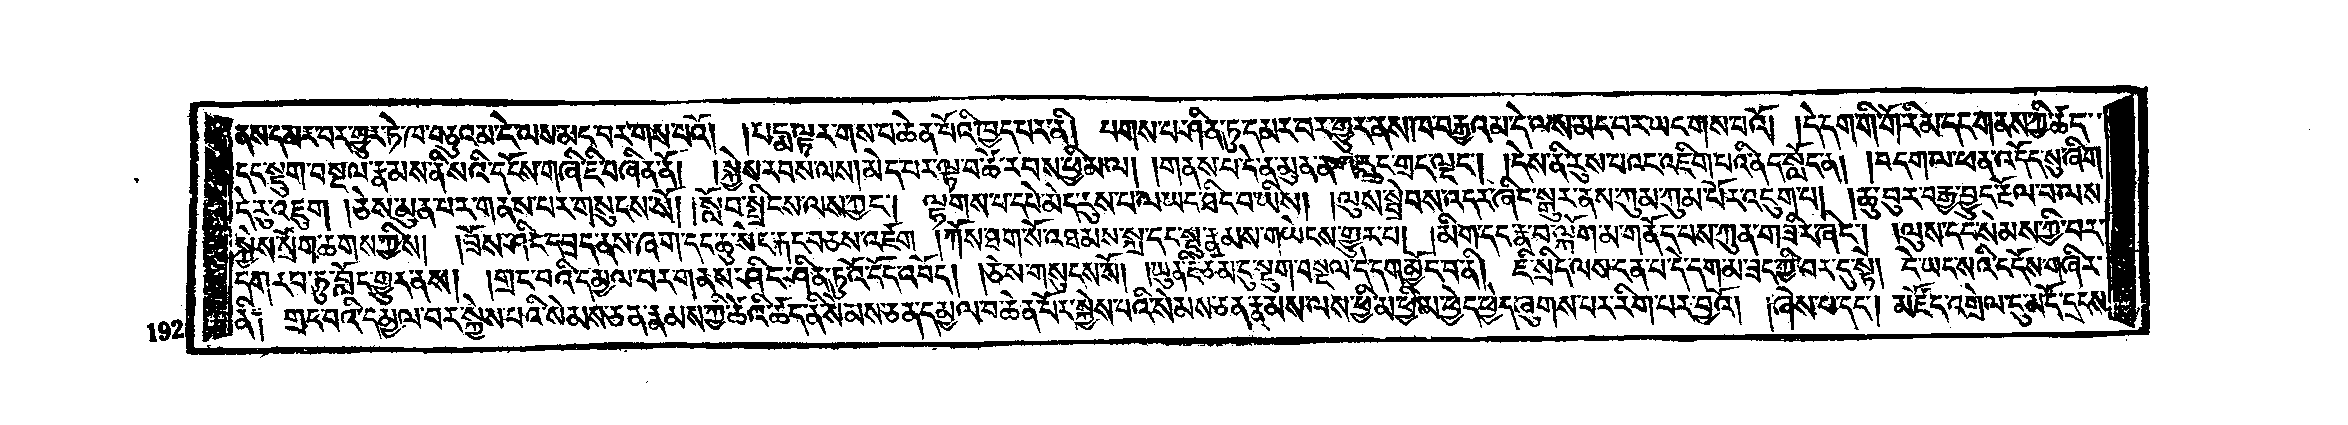ནས་དམར་བར་གྱུར་ཏེ་ཁ་བཅུའམ་དེ་ལས་མང་བར་གས་པའོ། །པདམ་ལྟར་གས་པ་ཆེན་པོའི་ཁྱུད་པར་ནི། པགས་པ་ཤིན་ཏུ་དམར་བར་གྱུར་ནས་ཁ་བརྒྱའམ་དེ་ལས་མང་བར་ཡང་གས་པའོ། །དེ་དག་གི་གོ་རིམ་དང་གནས་ཀྱི་ཚད་
དང་སྡུག་བསྔལ་རྣམས་ནི་སའི་དངོས་གཞི་ཇི་བཞིན་ནོ། །སྐྱེས་རབས་ལས། མེད་པར་ལྟ་བ་ཚེ་རབས་ཕྱི་མ་ལ། །གནས་པ་དེ་ན་མུན་ནག་རླུང་གྲང་ལྡང་། །དེས་ནི་རུས་པའང་འཇིག་པའི་ནད་སློང་ན། །བདག་ལ་ཕན་འདོད་སུ་ཞིག་
དེ་རུ་འཇུག །ཅེས་མུན་པར་གནས་པར་གསུངས་སོ། །སློབ་སྤྲིངས་ལས་ཀྱང་། ལྷགས་པ་དཔེ་མེད་རུས་པ་ལ་ཡང་ཐིང་བ་ཡིས། །ལུས་སྦྲེབས་འདར་ཞིང་སྒུར་ནས་ཀུམ་ཀུམ་པོར་འདུག་པ། །ཆུ་བུར་བརྒྱ་བྱུང་རྡོལ་པ་ལས་
སྐྱེས་སྲོག་ཆགས་ཀྱིས། །ཟོས་ཤིང་དབྲད་ནས་ཞག་དང་ཆུ་སེར་རྐང་བཅས་འཛག །ཀོས་ཐག་སོ་འཐམས་སྐྲ་དང་སྤུ་རྣམས་གཡེངས་གྱུར་པ། །མིག་དང་རྣ་བ་ལྐོག་མ་གནོད་པས་ཀུན་གཟིར་ཞིང་། །ལུས་དང་སེམས་ཀྱི་བར་
དག་རབ་ཏུ་བློང་གྱུར་ནས། །གྲང་བའི་དམྱལ་བར་གནས་ཤིང་ཤིན་ཏུ་འོ་དོད་འབོད། །ཅེས་གསུངས་སོ། །ཡུན་ཇི་ཙམ་དུ་སྡུག་བསྔལ་དེ་དག་མྱོང་བ་ནི། ཇི་སྲིད་ལས་ངན་པ་དེ་དག་མ་ཟད་ཀྱི་བར་དུ་སྟེ། དེ་ཡང་སའི་དངོས་གཞིར་
ནི༑ གྲང་བའི་དམྱལ་བར་སྐྱེས་པའི་སེམས་ཅན་རྣམས་ཀྱི་ཚེའི་ཚད་ནི་སེམས་ཅན་དམྱལ་བ་ཆེན་པོར་སྐྱེས་པའི་སེམས་ཅན་རྣམས་ལས་ཕྱི་མ་ཕྱི་མ་ཕྱེད་ཕྱེད་ཞུགས་པར་རིག་པར་བྱའོ། །ཞེས་པ་དང་། མཛོད་འགྲེལ་དུ་མདོ་དྲངས་